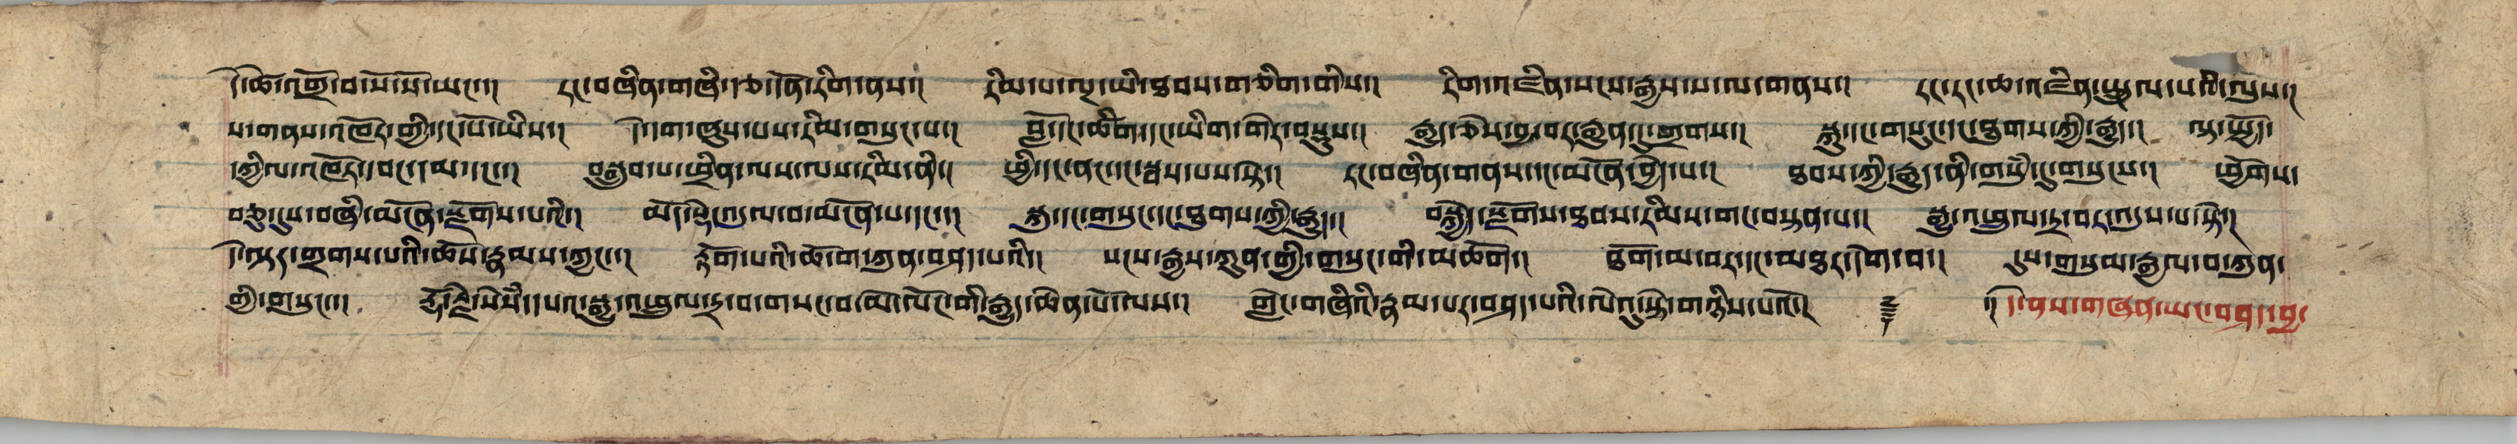དེ་ཚེ་འགྲོ་བ་སོ་སོ་ཡང་་། རང་བཞིན་གཞི་རྩ་དོན་རིག་ནས་། རིམ་པ་ལྔ་ཡི་ཐབས་གཅིག་གིས་། རིག་འཛིན་སངས་རྒྱས་ས་ལ་གནས་། རང་རང་ཆ་འཛིན་སྤྲུལ་པའི་ལུས་།
ས་གནས་འཁོར་གྱི་དངོས་པོ་ཡིས་། དེ་དག་ཞུས་པས་རིམ་གསུང་པ་། བློ་དང་ཚིག་དང་ཡིག་གེར་བསྡུས་། རྒྱུད་ཅེས་བྱ་བར་རྒྱུན་དུ་གྲགས་། སྐུ་དང་གསུང་དང་ཐུགས་ཀྱི་རྒྱུད་། ལྟ་སྤྱོད་
དཀྱིལ་འཁོར་དབང་དམ་དང་་། བསྒྲུབ་པ་ཕྲིན་ལས་ལས་རིམ་ནི་། ཕྱི་དང་ནང་དང་སྦས་པས་སྟེ་། རང་བཞིན་གནས་དང་མངོན་བྱེད་པ་། ཐབས་ཀྱི་རྒྱུད་ནི་གསུཾ་དུ་གསུངས་། ཕྱོགས་
བཅུ་དུས་བཞི་མངོན་སྫོགས་པའི་། མདོ་སྡེ་འདུལ་བ་མངོན་པ་དང་་། སྐུ་དང་གསུང་དང་ཐུགས་ཀྱི་རྒྱུད་། བསྐྱེད་སྫོགས་ཐབས་རིམས་གང་བསྟན་པ་། སྒྱུ་འཕྲུལ་དྲ་བར་འདུས་པ་སྟེ་།
དེ་ལྟར་གྲགས་པའི་ཆོས་རྣམས་ཀྱང་་། རྟོག་པའི་ཆོ་ག་ཀུན་བཤད་པའི་། སངས་རྒྱས་ཀུན་གྱི་གསུང་གི་མཆོག་། ཐོག་མ་བར་དང་མཐར་དགེ་བ་། དུས་གསུམ་རྒྱལ་བ་ཀུན་
གྱི་གསུང་་། རྡོ་རྗེ་སེཾས་དཔའ་སྒྱུ་འཕྲུལ་དྲ་བ་གསང་བ་མེ་ལོང་གི་རྒྱུད་ཆེན་པོ་ལས་། གླེང་གཞིའི་རྣམ་པར་བཤད་པའི་ལེའུ་སྟེ་གཉིས་པའོ་། ࿑ ་། དེ་ནས་གཞན་ཡང་བཤད་བྱ་